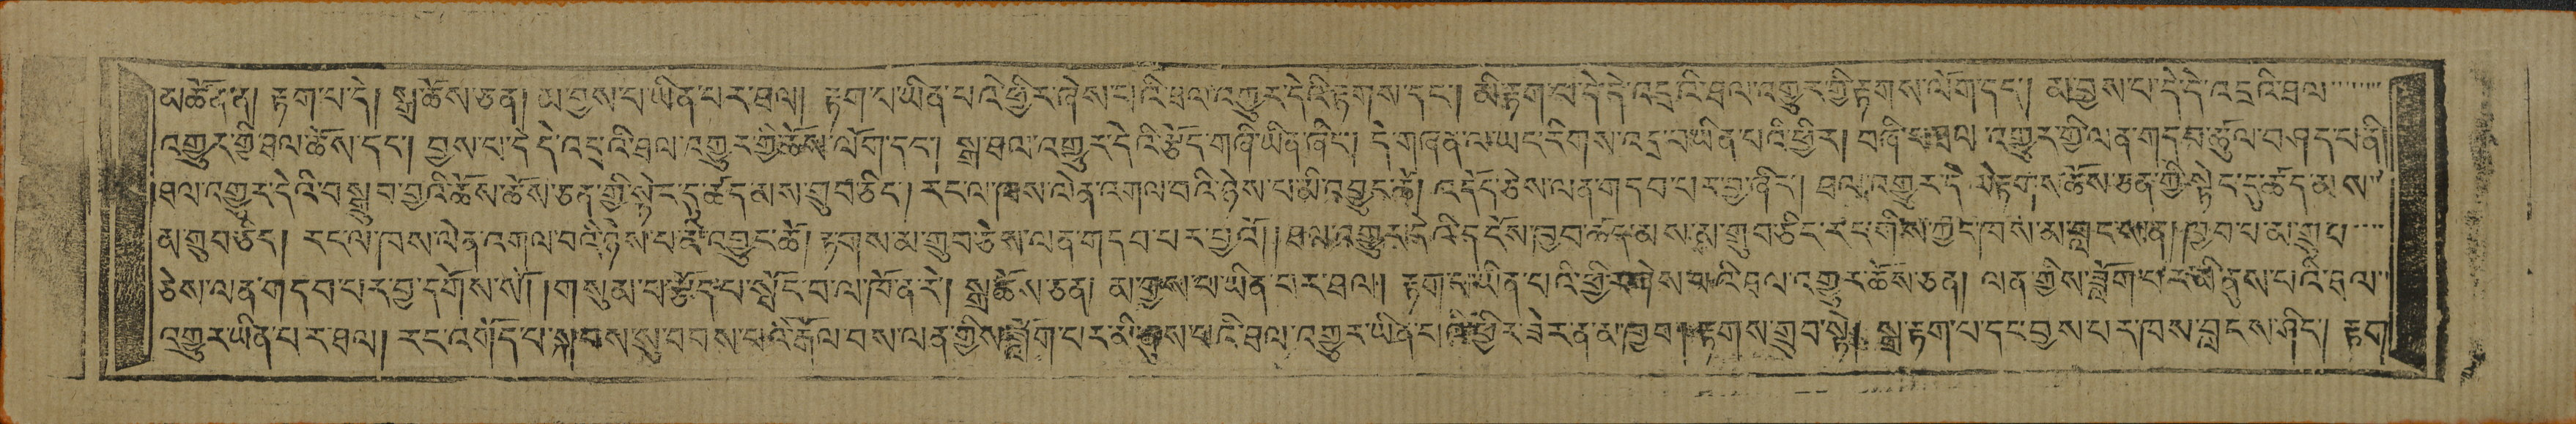མཚོན་ན། རྟག་པ་དེ། སྒྲ་ཆོས་ཅན། མ་བྱས་པ་ཡིན་པར་ཐལ། རྟག་པ་ཡིན་པའི་ཕྱིར་ཞེས་པའི་ཐལ་འགྱུར་དེའི་རྟགས་དང་། མི་རྟག་པ་དེ་དེ་འདྲའི་ཐལ་འགྱུར་གྱི་རྟགས་ལོག་དང་། མ་བྱས་པ་དེ་དེ་འདྲའི་ཐལ་
འགྱུར་གྱི་ཐལ་ཆོས་དང་། བྱས་པ་དེ་དེ་འདྲའི་ཐལ་འགྱུར་གྱི་ཆོས་ལོག་དང་། སྒྲ་ཐལ་འགྱུར་དེའི་རྩོད་གཞི་ཡིན་ཞིང་། དེ་གཞན་ལ་ཡང་རིགས་འདྲ་བ་ཡིན་པའི་ཕྱིར། བཞི་པ་ཐལ་འགྱུར་གྱི་ལན་གདབ་ཚུལ་བཤད་པ་ནི།
ཐལ་འགྱུར་དེའི་བསྒྲུབ་བྱའི་ཆོས་ཆོས་ཅན་གྱི་སྟེང་དུ་ཚད་མས་གྲུབ་ཅིང་། རང་ལ་ཁས་ལེན་འགལ་བའི་ཉེས་པ་མི་འབྱུང་ཚེ། འདོད་ཅེས་ལན་གདབ་པར་བྱ་ཞིང་། ཐལ་འགྱུར་དེའི་རྟགས་ཆོས་ཅན་གྱི་སྟེང་དུ་ཚད་མས་
མ་གྲུབ་ཅིང་། རང་ལ་ཁས་ལེན་འགལ་བའི་ཉེས་པ་མི་འབྱུང་ཚེ། རྟགས་མ་གྲུབ་ཅེས་ལན་གདབ་པར་བྱའོ། །ཐལ་འགྱུར་དེའི་དངོས་ཁྱབ་ཚད་མས་མ་གྲུབ་ཅིང་རང་གིས་ཀྱང་ཁས་མ་བླངས་ན། ཁྱབ་པ་མ་གྲུབ་
ཅེས་ལན་གདབ་པར་བྱ་དགོས་སོ། །གསུམ་པ་རྩོད་པ་སྤོང་བ་ལ་ཁོ་ན་རེ། སྒྲ་ཆོས་ཅན། མ་བྱས་པ་ཡིན་པར་ཐལ། རྟག་པ་ཡིན་པའི་ཕྱིར་ཞེས་པའི་ཐལ་འགྱུར་ཆོས་ཅན། ལན་གྱིས་ཟློག་པར་མི་ནུས་པའི་ཐལ་
འགྱུར་ཡིན་པར་ཐལ། རང་འགོད་པ་སྐབས་སུ་བབས་པའི་རྒོལ་བས་ལན་གྱིས་ཟློག་པར་མི་ནུས་པའི་ཐལ་འགྱུར་ཡིན་པའི་ཕྱིར་ཟེར་ན་མ་ཁྱབ། རྟགས་གྲུབ་སྟེ། སྒྲ་རྟག་པ་དང་བྱས་པར་ཁས་བླངས་ཤིང་། རྟག་